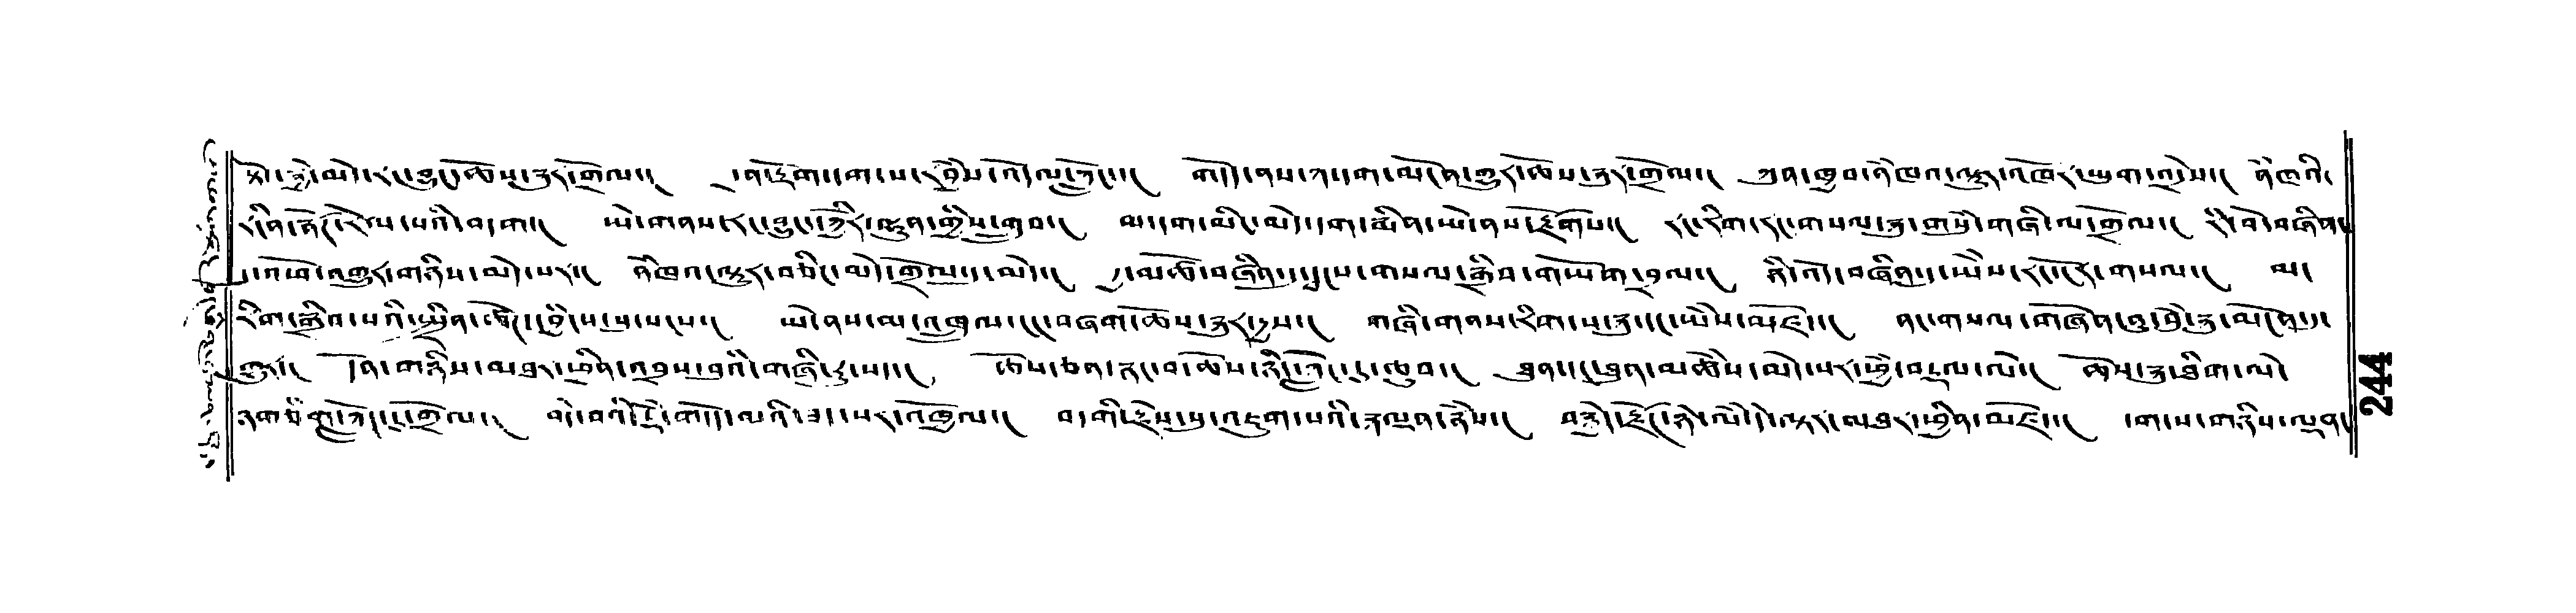སྟོང་སྐྱེ་མེད་རང་བྱུང་ཆོས་སྐུར་གྲོལ། །དྲན་རྟོག་དག་པ་རབ་འབྱམས་འོད་གསལ་ཀློང་། །གདོད་ནས་ཀ་དག་མངོན་གྱུར་ཆོས་སྐུར་གྲོལ། །ཀུན་ཁྱབ་ནམ་མཁའ་ལྟ་བུར་འཁོར་ཡུག་འདྲེས། །ནམ་མཁའི་
རང་བཞིན་སྣ་ཚོགས་རོལ་པའི་བདག །ཡེ་གནས་རང་བྱུང་དཀྱིལ་འཁོར་ལྷུན་གྱིས་གྲུབ། །མ་དག་མིང་མེད་དག་སྨིན་ཡེ་ནས་རྫོགས། །རང་རིག་རང་གསལ་སྐུ་གསུམ་གཞི་ལ་གྲོལ། །རི་བོ་བཞིན་
དུ་འཕོ་འགྱུར་གཉིས་མེད་པར། །ནམ་མཁའ་ལྟ་བུར་བཅིང་མེད་གྲོལ་དུ་མེད། །རྒྱ་མཚོ་བཞིན་དུ་དྭངས་གསལ་སྒྲིབ་གཡོགས་བྲལ། །ཉི་འོད་བཞིན་དུ་ཡེ་ཤེས་རང་ངོར་གསལ། །མ་
རིག་སྒྲིབ་པའི་སྤྲིན་ཚོགས་དབྱིངས་སུ་སངས། །ཡེ་ནས་མ་འཁྲུལ་ངང་བཞག་ཆོས་སྐུར་རྒྱས། །གཞི་གནས་རིག་པ་སྐུ་དང་ཡེ་ཤེས་མཛོད། །ནང་གསལ་གཞོན་ནུ་བུམ་སྐུ་མངོན་དུ་
གྱུར། །དོན་གཉིས་མཐར་ཕྱིན་འབྲས་བུའི་གཞི་རུ་སད། །ཆོས་ཅན་སྣང་བ་ཆོས་ཉིད་ཀློང་དུ་ཆུབ། །ཐུན་དང་ཐུན་མཚམས་མེད་པར་ཕྱམ་བརྡལ་ལེ། །ཆོས་སྐུ་ཐིག་ལེ་
ཉག་གཅིག་ཀློང་དུ་གྲོལ། །བདེ་བའི་རྡོ་རྗེ་གདོད་མའི་ཟད་སར་འཁྱོལ། །བདག་གི་རྗེས་སུ་འཇུག་པའི་སྐལ་ལྡན་རྣམས། །བསྐྱེད་རྫོགས་ཉེ་ལམ་དེ་ལྟར་མཐར་ཕྱིན་མཛོད། །དག་པ་གཉིས་ལྡན་